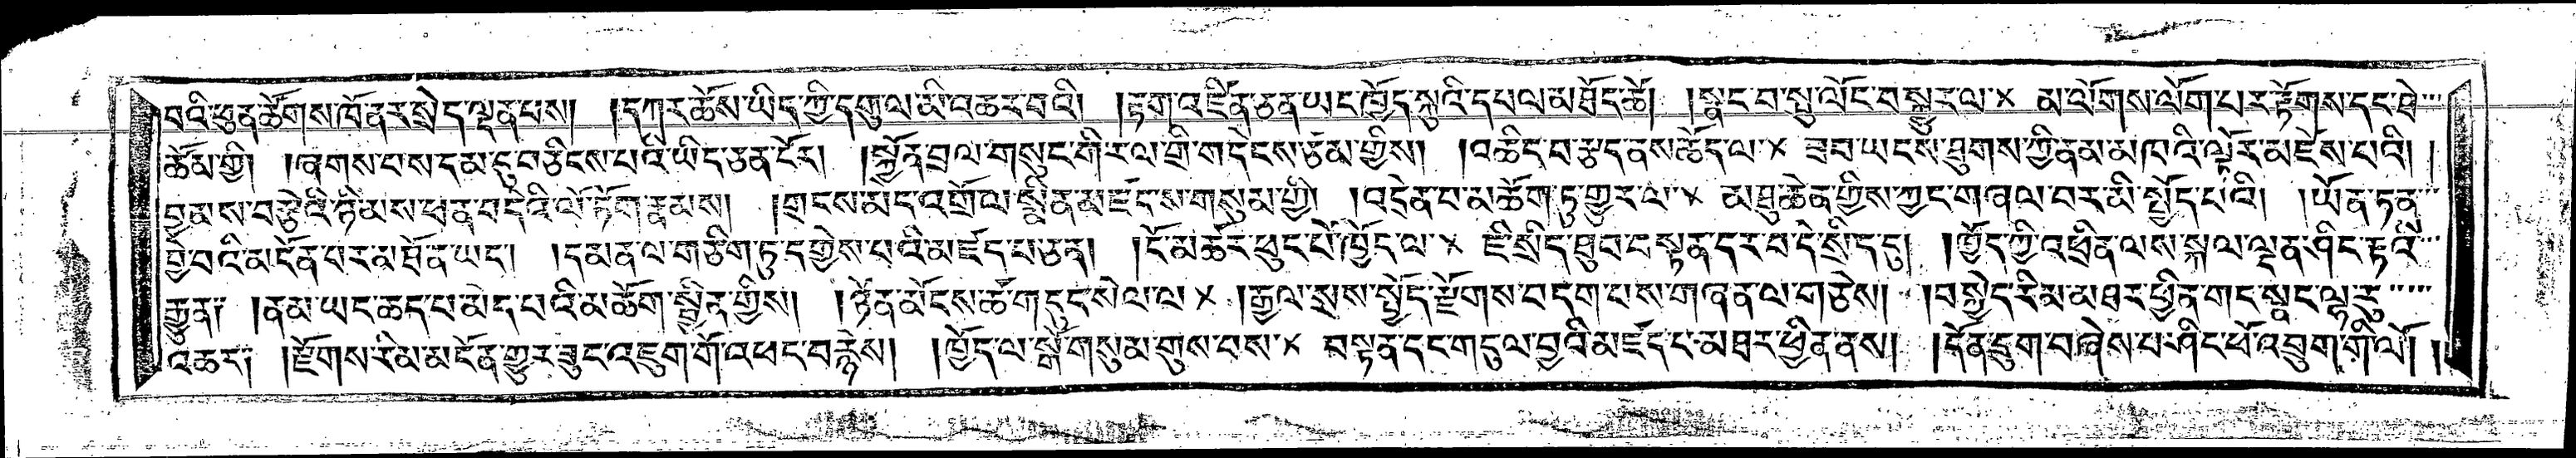བའི་ཕུན་ཚོགས་ཁོ་ནར་སྲེད་ལྡན་པས། །དཀར་ཆོས་ཡིད་ཀྱི་དགུ་ལ་མི་འཆར་བའི། །རྟག་འཛིན་ཅན་ཡང་ཁྱོད་སྐུའི་དཔལ་མཐོང་ཚེ། །སྣང་བ་སྤུ་ལོང་བསྐྱུར་ལ་{྾}་མ་ལོགས་ལོག་པར་རྟོགས་དང་ཐེ་
ཚོམ་གྱི། །ཞགས་པས་དམ་དུ་བཅིངས་པའི་ཡིད་ཅན་ངོར། །སྐྱོན་བྲལ་གསུང་གི་རལ་གྲི་གདེངས་ཙམ་གྱིས། །འཆིང་བ་རྩད་ནས་ཆོད་ལ་{྾}་ཟབ་ཡངས་ཐུགས་ཀྱི་ནམ་མཁའི་ལྟོར་མཛེས་པའི། །
བྱམས་བརྩེའི་ཉི་མས་ཕན་བདེའི་ལོ་ཏོག་རྣམས། །གྲངས་མེད་འགྲོ་ལ་སྨིན་མཛད་ས་གསུམ་གྱི། །འདྲེན་པ་མཆོག་ཏུ་གྱུར་ལ་{྾}་མཐུ་ཆེན་གྱིས་ཀྱང་གཞལ་བར་མི་སྤྱོད་པའི། །ཡོན་ཏན་
བྱེ་བའི་མངོན་པར་མཐོན་ཡང་། །དམན་ལ་གཅིག་ཏུ་དགྱེས་པའི་མཛད་པ་ཅན། །ངོ་མཚོར་ཕུང་པོ་ཁྱོད་ལ་{྾}་ཇི་སྲིད་ཐུབ་བསྟན་དར་བ་དེ་སྲིད་དུ། །ཁྱོད་ཀྱི་འཕྲིན་ལས་སྐལ་ལྡན་ཤིང་རྟའི་
རྒྱུན༑ ༑ནམ་ཡང་ཆད་པ་མེད་པའི་མཆོག་སྦྱིན་གྱིས། །ཉོན་མོངས་ཚ་གདུང་སེལ་ལ་{྾}་།རྒྱལ་སྲས་སྤྱོད་རྫོགས་བདག་པས་གཞན་ལ་གཅེས། །བསྐྱེད་རིམ་མཐར་ཕྱིན་གང་སྣང་ལྷ་རུ་
འཆར༑ །རྫོགས་རིམ་མངོན་གྱུར་ཟུང་འཇུག་གོ་འཕང་བརྙེས། །ཁྱོད་ལ་སྒོ་གསུམ་གུས་བས་{྾}་བསྟན་དང་གདུལ་བྱའི་མཛད་པ་མཐར་ཕྱིན་ནས། །དོན་དྲུག་བཞེས་པ་ཤིང་ཕོ་འབྲུག་གི་ལོ། །